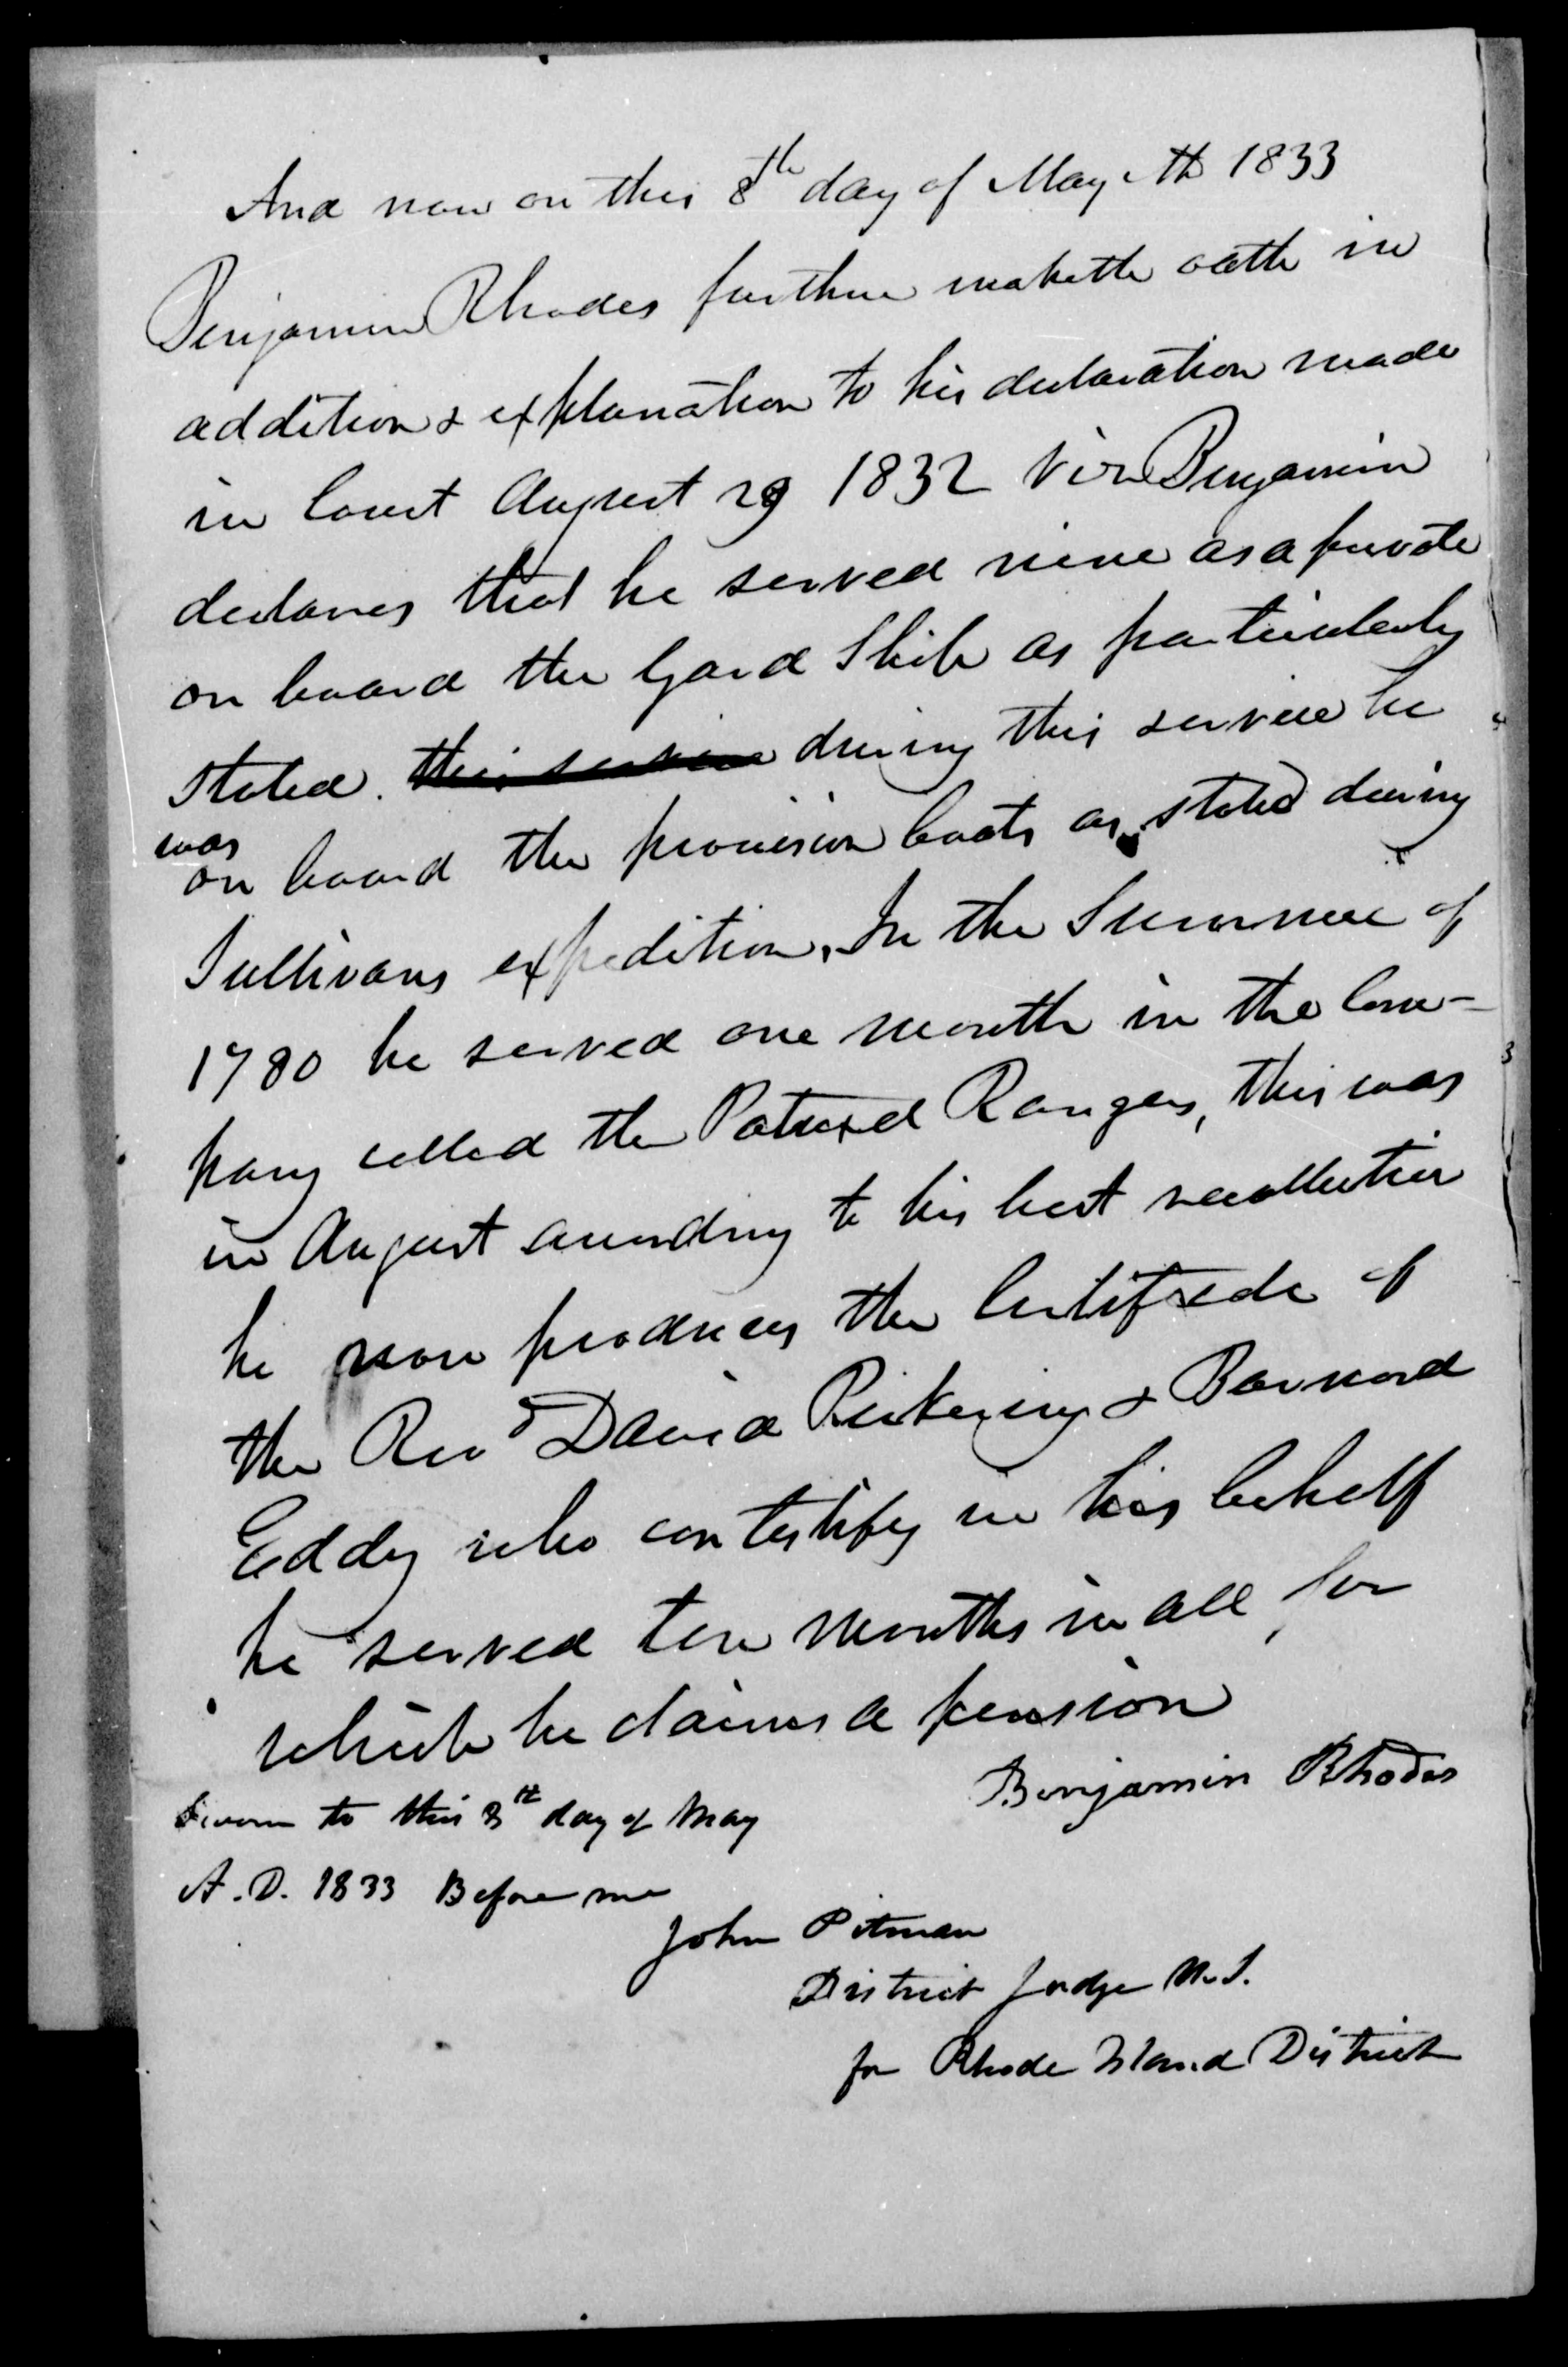And now on this 8th day of May AD 1833
Benjamin Rhodes further maketh oath in
addition & explanation to his declaration made
in Court August 19 1832 viz Benjamin
declares that he served since as a private
on board the Gard Ship as particularly
stated there during this service he was
on board the provision boats as stated during
Sullivans expedition. In the Summer of
1780 he served one month in the Company called the Pawtuxet Rangers this was
in August according to his best recollection
he now produces the certifide of
the Rev David Pickering & Barnard
Eddy who can testify in his behalf
he served ten months in all for
which he claims a pension
Sworn to this 8th day of May
Benjamin Rhodes
A.D. 1833 Before me
John Pitman
District Judge M.
for Rhode Island District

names: David Pickering; Barnard Eddy; Benjamin [BLANK]; John Pitman; Benjamin Rhodes; Benjamin Rhodes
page: 44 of 50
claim: widow's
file: W. 22058, for Benjamin Rhodes, Rhode Island